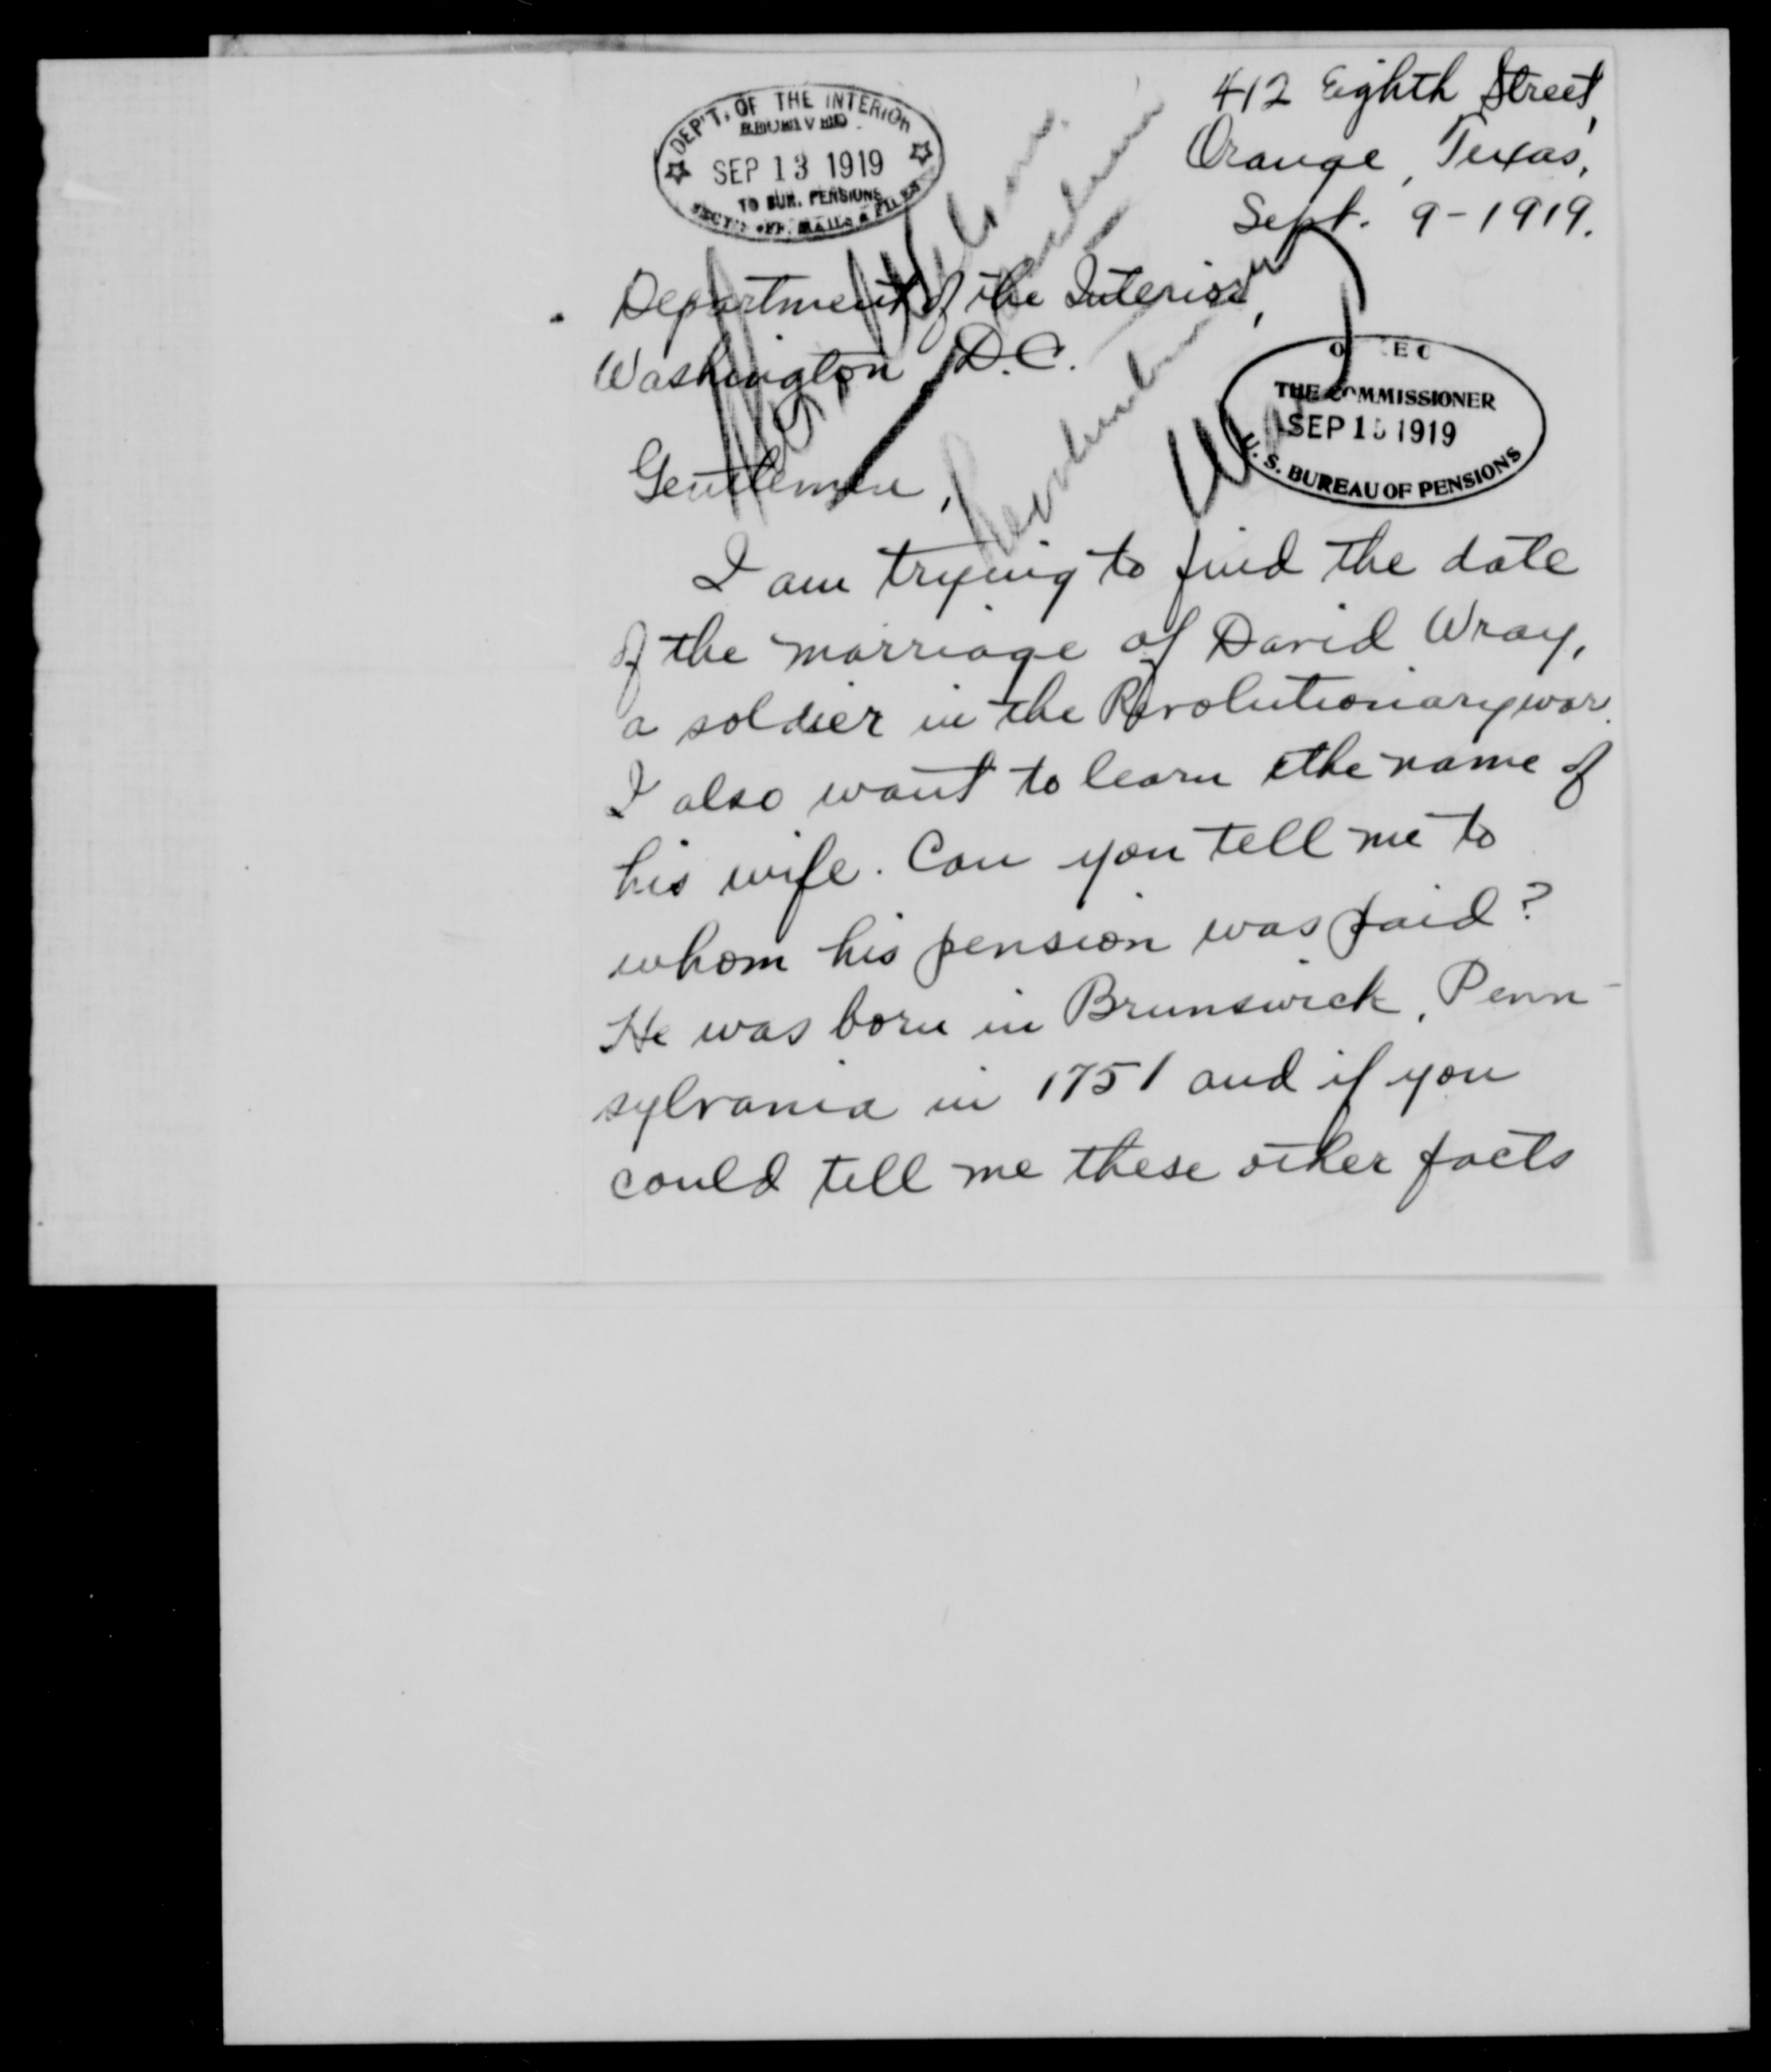[There is an oval black ink stamp on the top left corner.]
DEPT. OF THE INTERIOR
RECEIVED
SEP 13 1919
TO BUR. PENSIONS
[ILLEGIBLE]

                        412 Eighth Street
                         Orange, Texas,
                          Sept. 9 - 1919.
Department of the Interior
Washington D.C.

[There is an oval black ink stamp on the right side of the page.]
[illegible]
THE COMMISSIONER
SEP 15 1919
U.S. BUREAU OF PENSIONS

Gentlemen,
  I am trying to find the date
of the marriage of David Wray,
a soldier in the Revolutionary war.
I also want to learn the name of 
his wife.  Can you tell me to
whom his pension was paid?
He was born in Brunswick, Penn-
sylvania in 1751 and if you
could tell ne these other facts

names: David Wray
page: 14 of 19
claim: survivor's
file: S. 7,973, David Wray, Va.